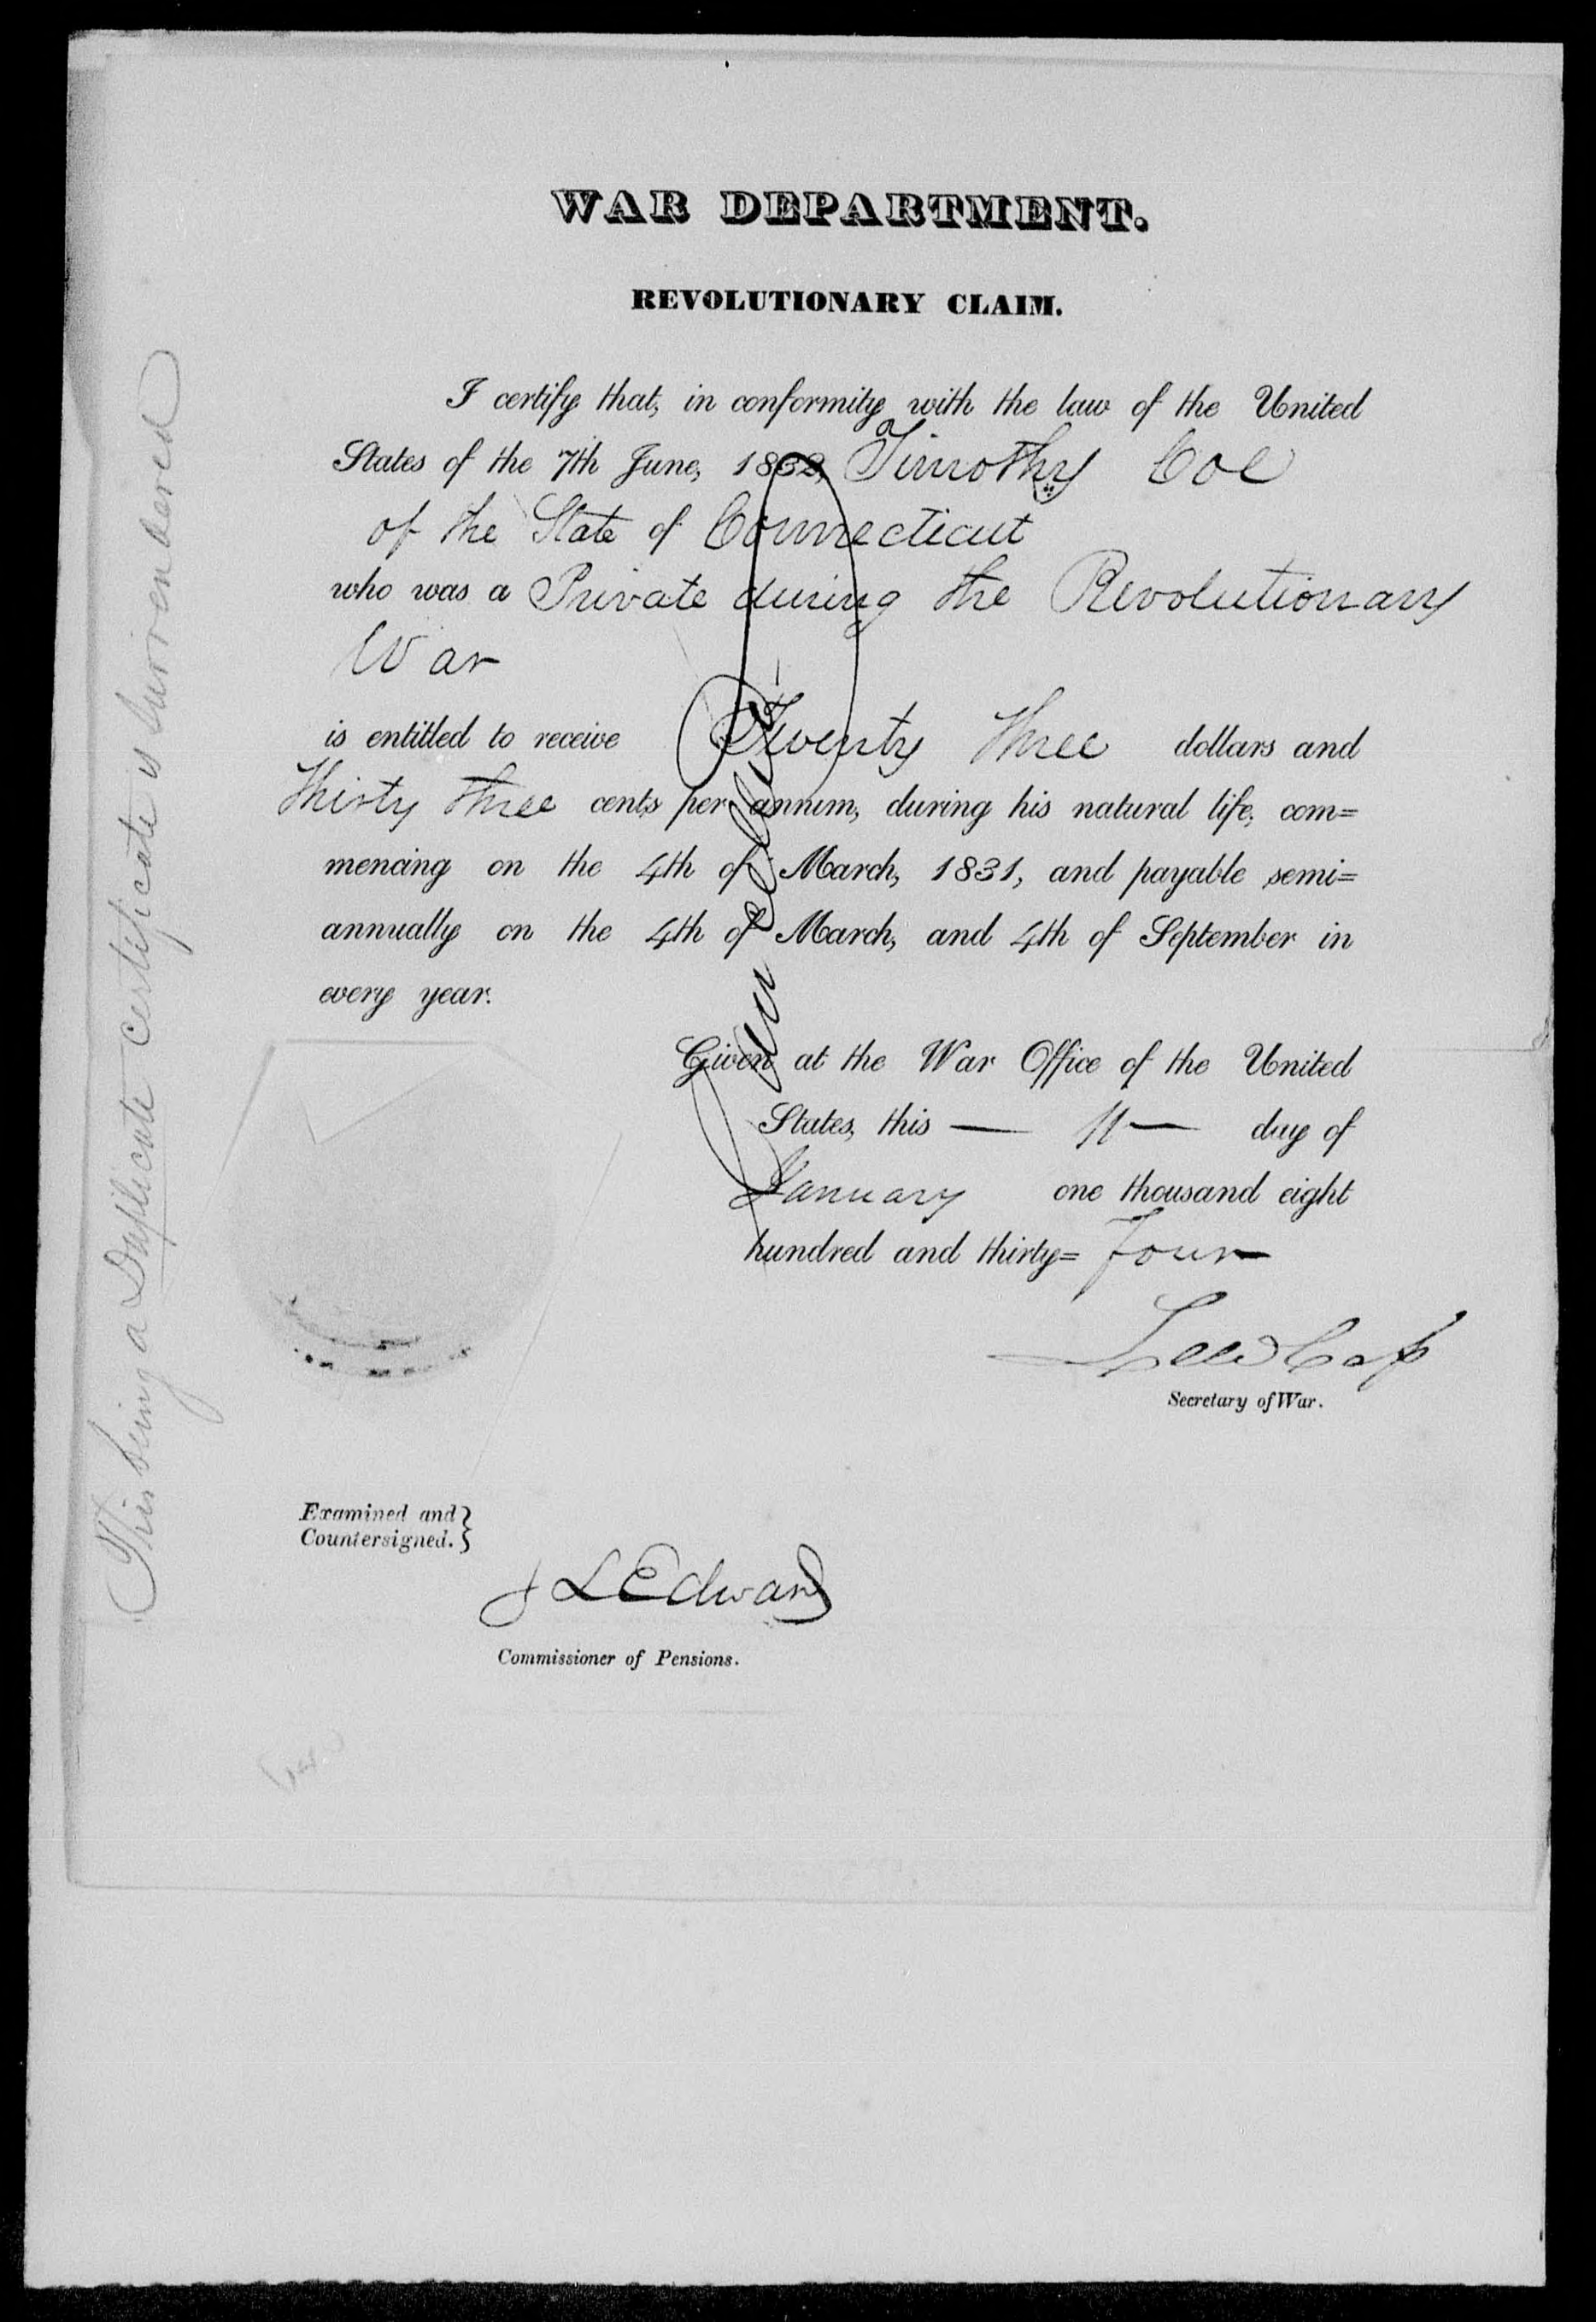War Department
Revolutionary Claim
I certify that, in conformity with the law of the United States of the 7th June 1832, Timothy Coe of the State of Connecticut who was a Private during the Revolutionary War is entitles to receive twenty three dollars and thirty three cents per annum, during his natural life, commencing on the 4th of March 1831 and payable semi-annually on the 4th of March, and 4th of September in every year.

Given at the War Office of the United States, this 11 day of January one thousand eight hundred and thirty four
Lew Cass
Secretary of War

Examined and Countersigned.
J L Edwards
Commissioner of Pensions

Note: Cancelled notation across page
This being a duplicate certificate is surrendered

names: Timothy Coe, Lew Cass, J L Edwards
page: 34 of 76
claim: widow's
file: W. 5,250, Timothy Coe, Conn.